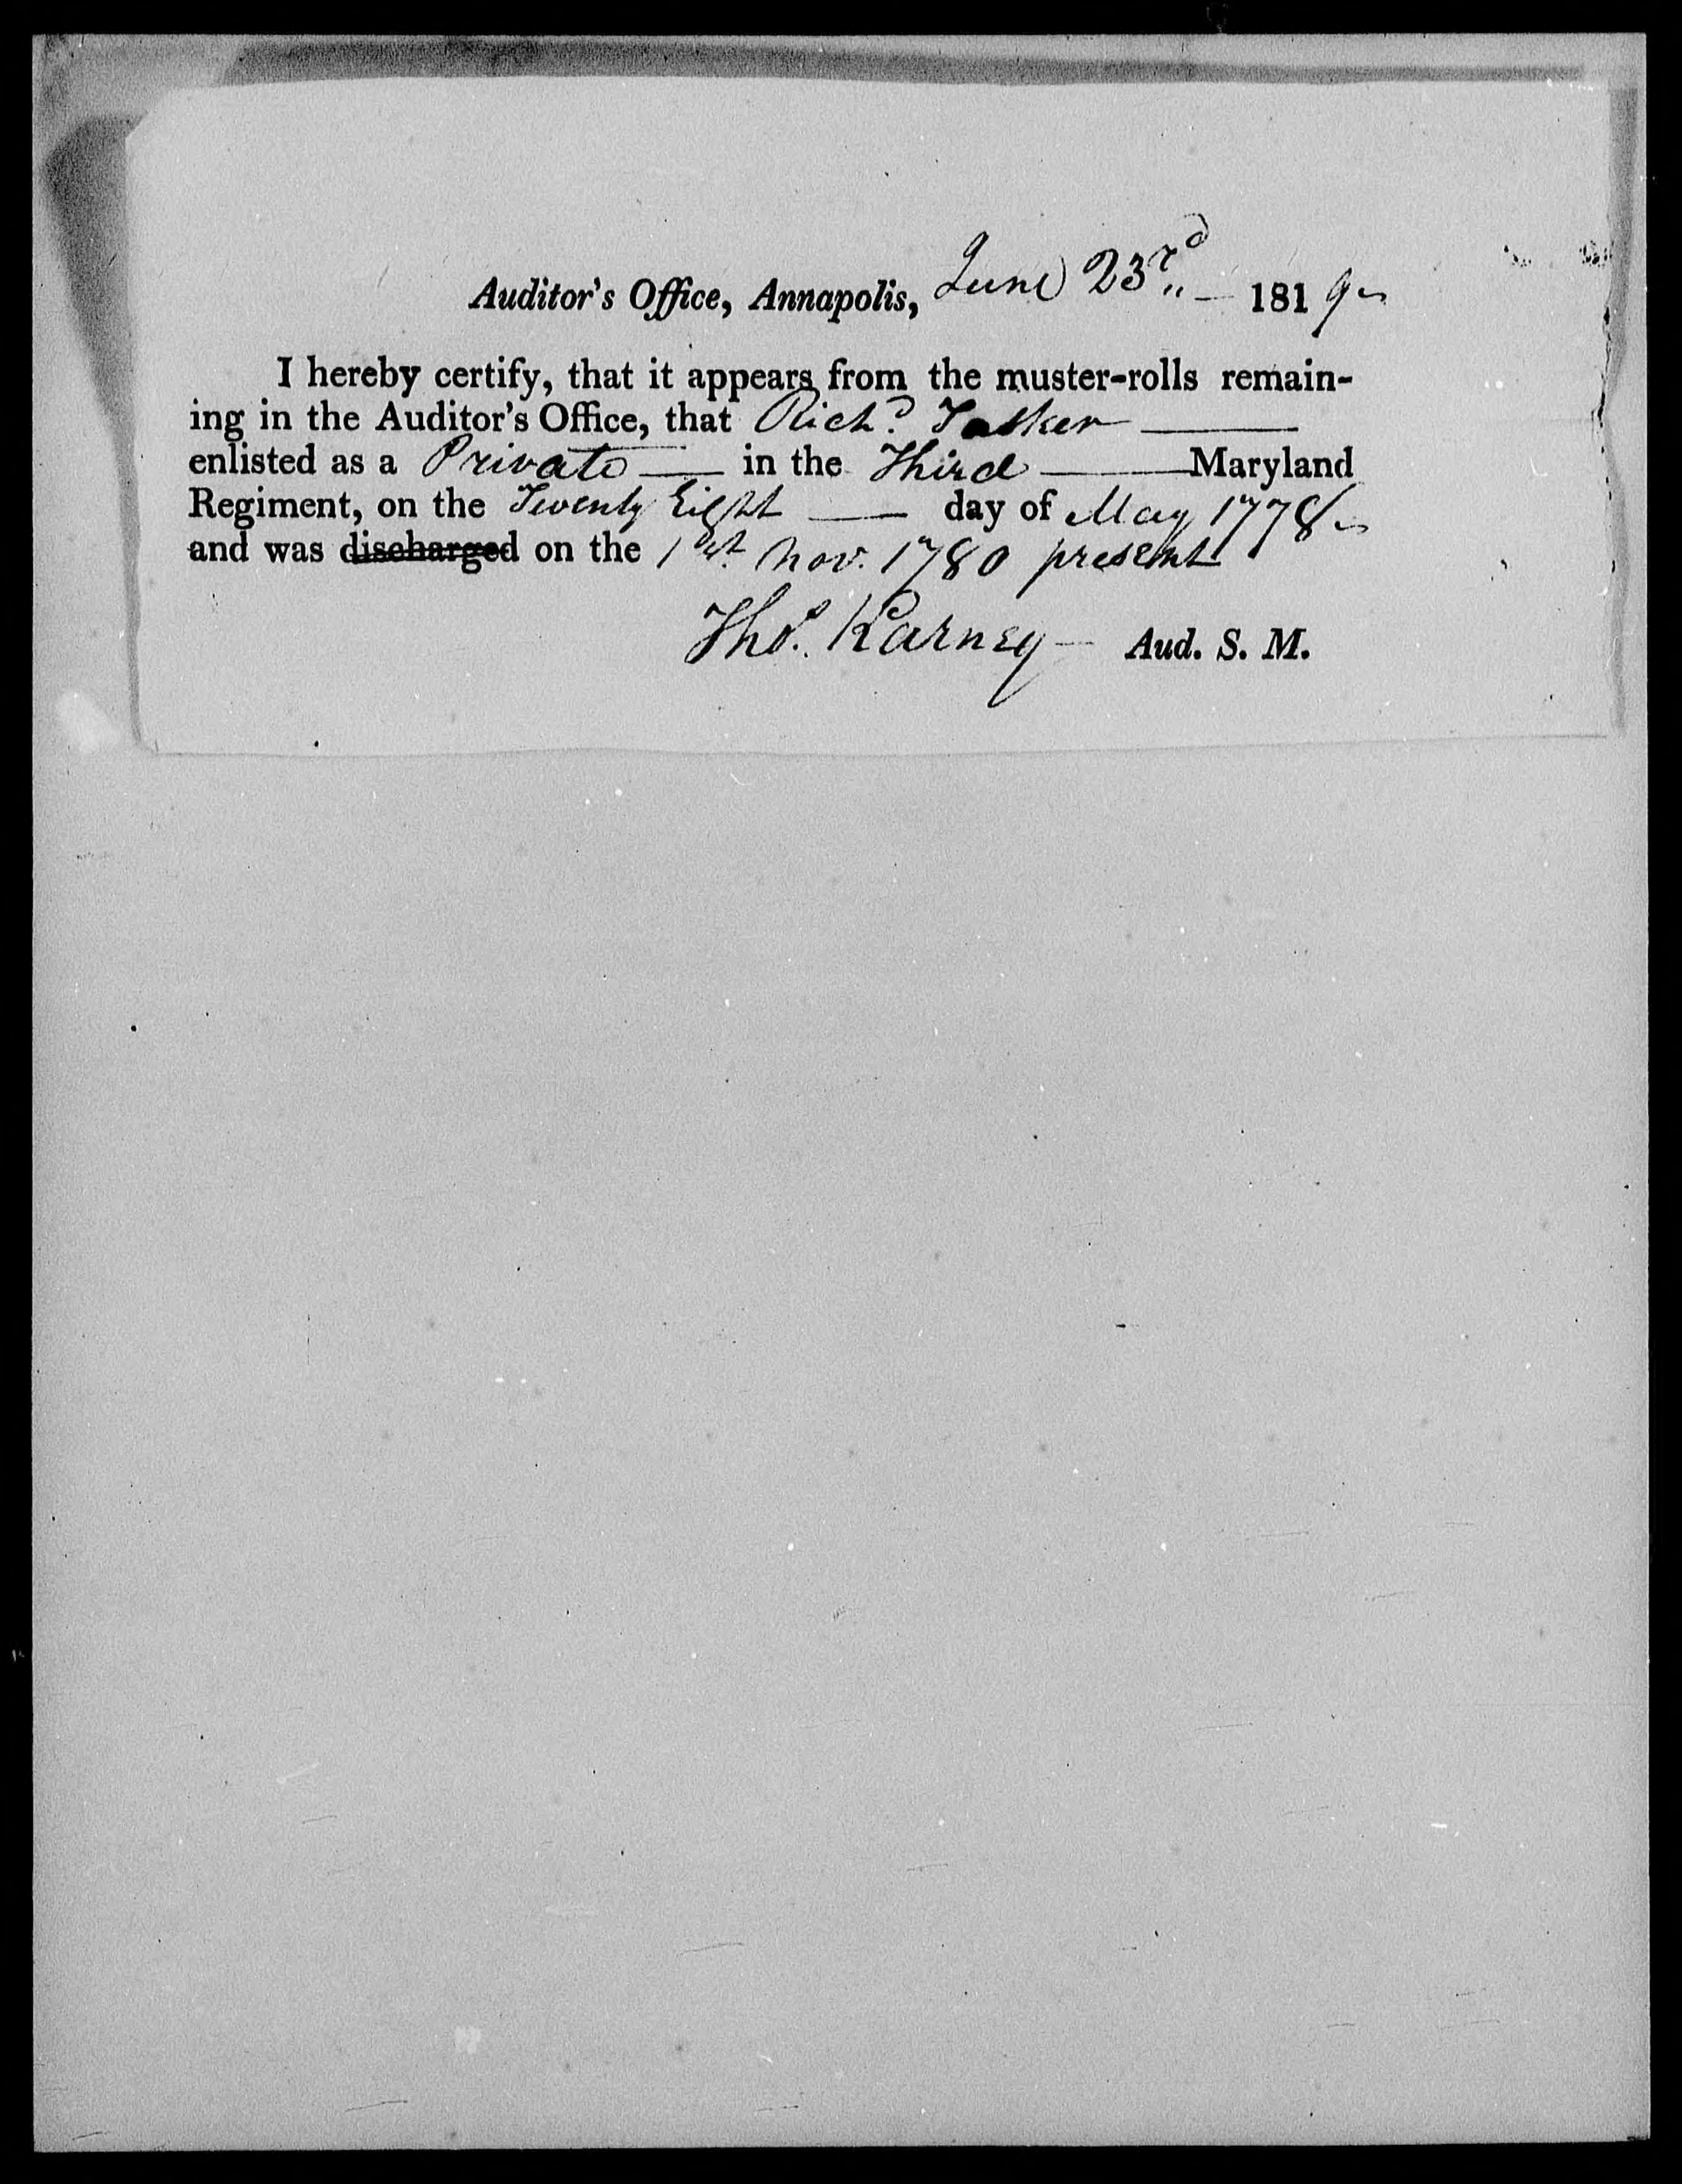Auditor's Office, Annapolis, June 23rd 1819
I hereby certify, that it appears from the muster-rolls remaining in the Auditor's Office, that Rich(?) Tasker enlisted as a Private in the Third Maryland Regiment, on the Twenty eighth day of May 1778 and was discharged [crossed out] on the 1st Nov. 1780 present.
Thos Karney Aud. S. M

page: 25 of 25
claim: survivor's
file: S. 35093, for Richard R Tasker, Maryland